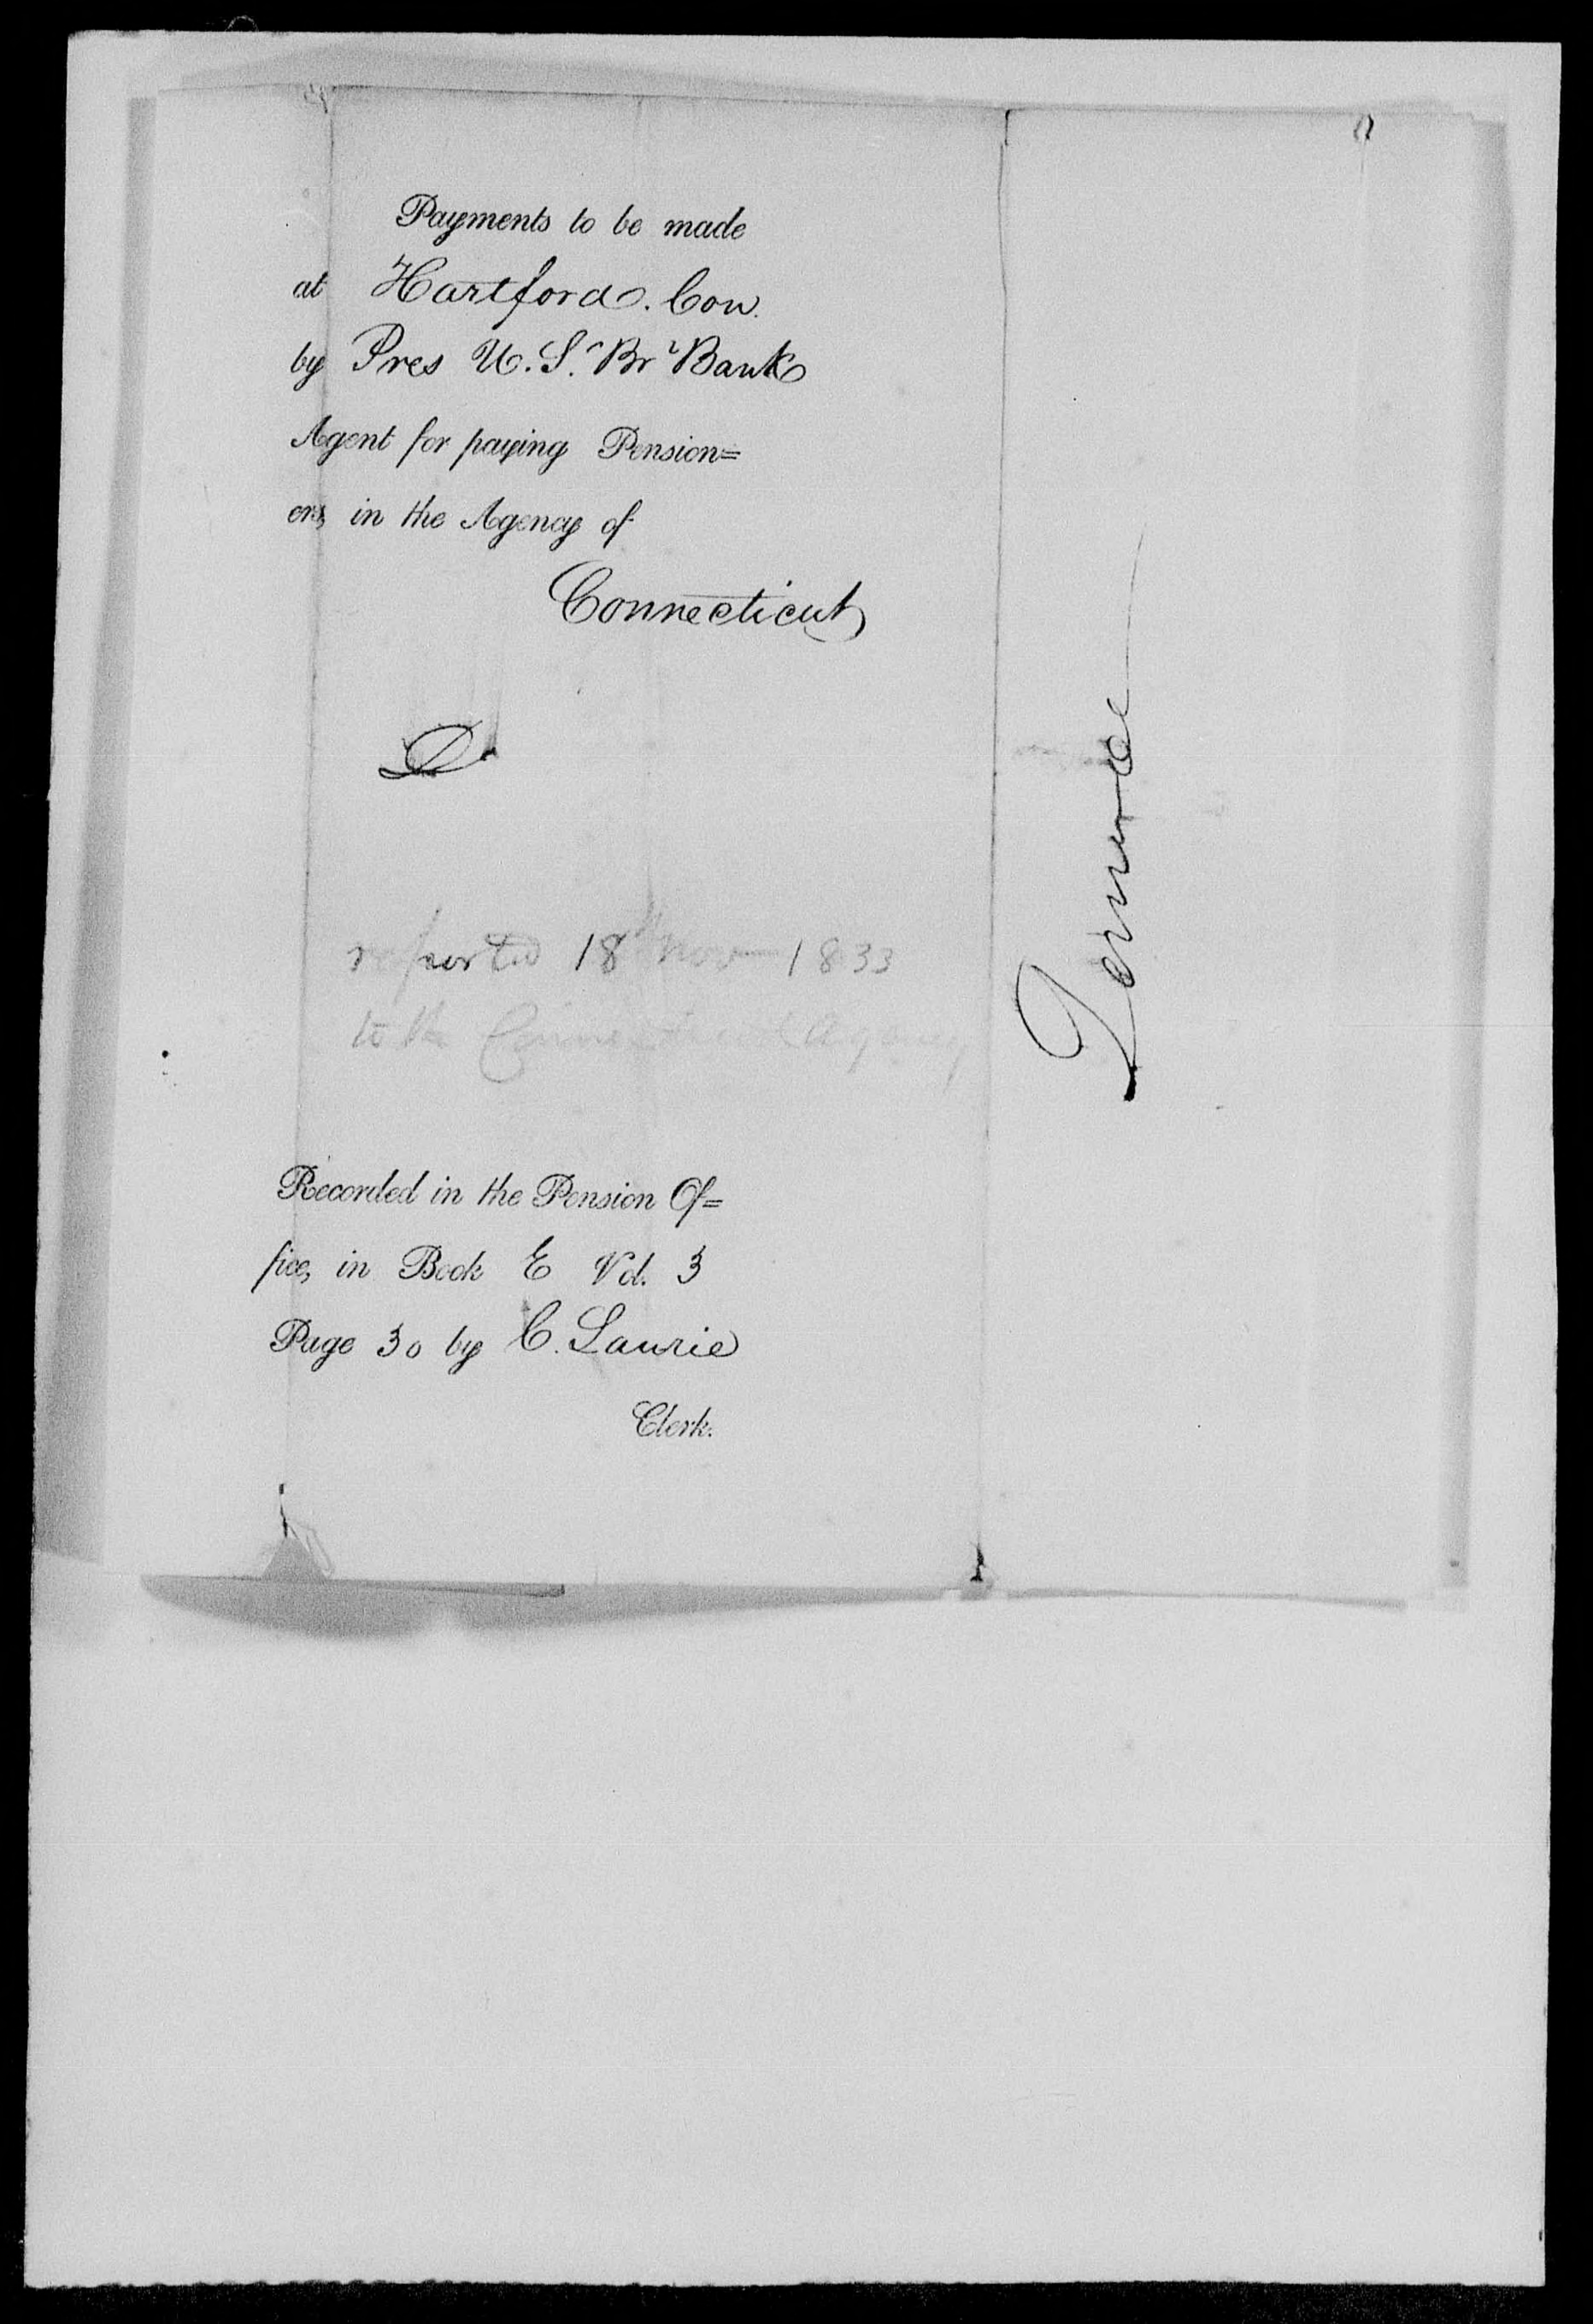Payments to be made
at Hartford, Con.
by Pres U.S. Br. Banks
Agent for paying Pension
on in the Agency of
Connecticut

Recorded in the Pension Office, 
in Book E Vol. 3 
Page 30 by C. Laurie
Clerk.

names: C Laurie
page: 42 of 76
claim: widow's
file: W. 5,250, Timothy Coe, Conn.